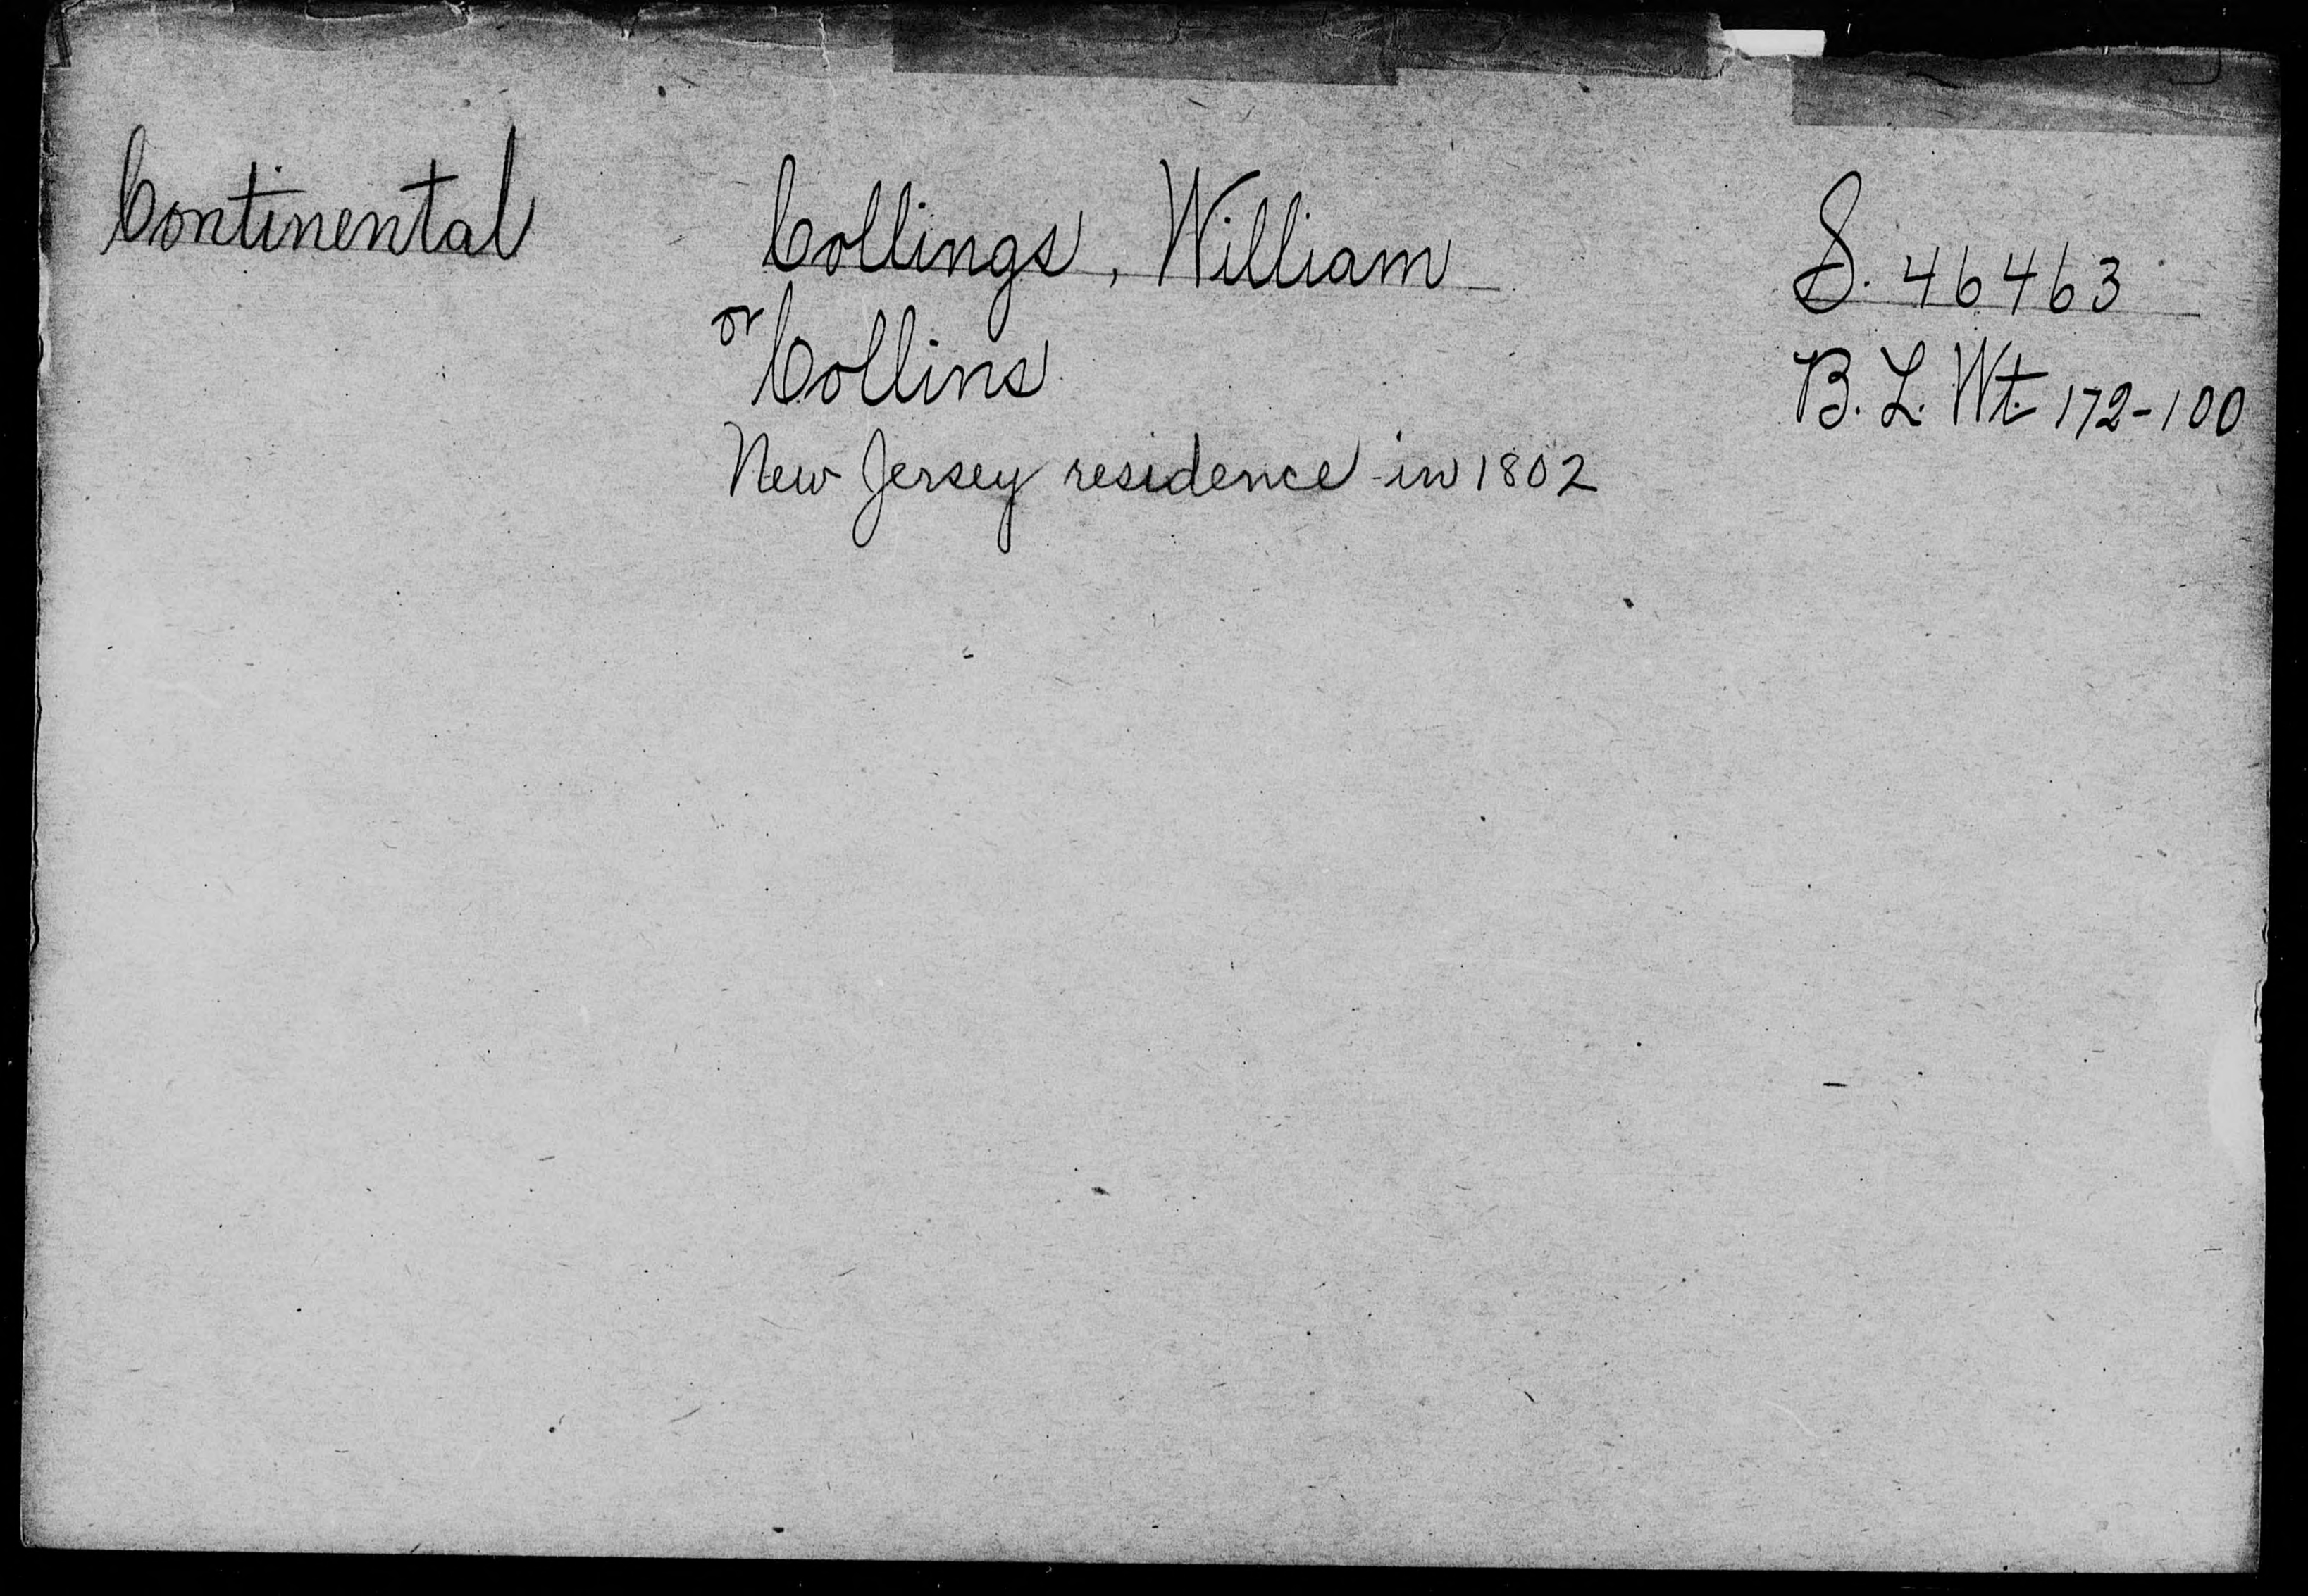Continental
Collings, William
or Collins
New Jersey residence in 1802
S. 46463
B.L. Wt. 172-100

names: William Collins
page: 1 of 1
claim: widow's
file: W. 46463, William Collings, Continental